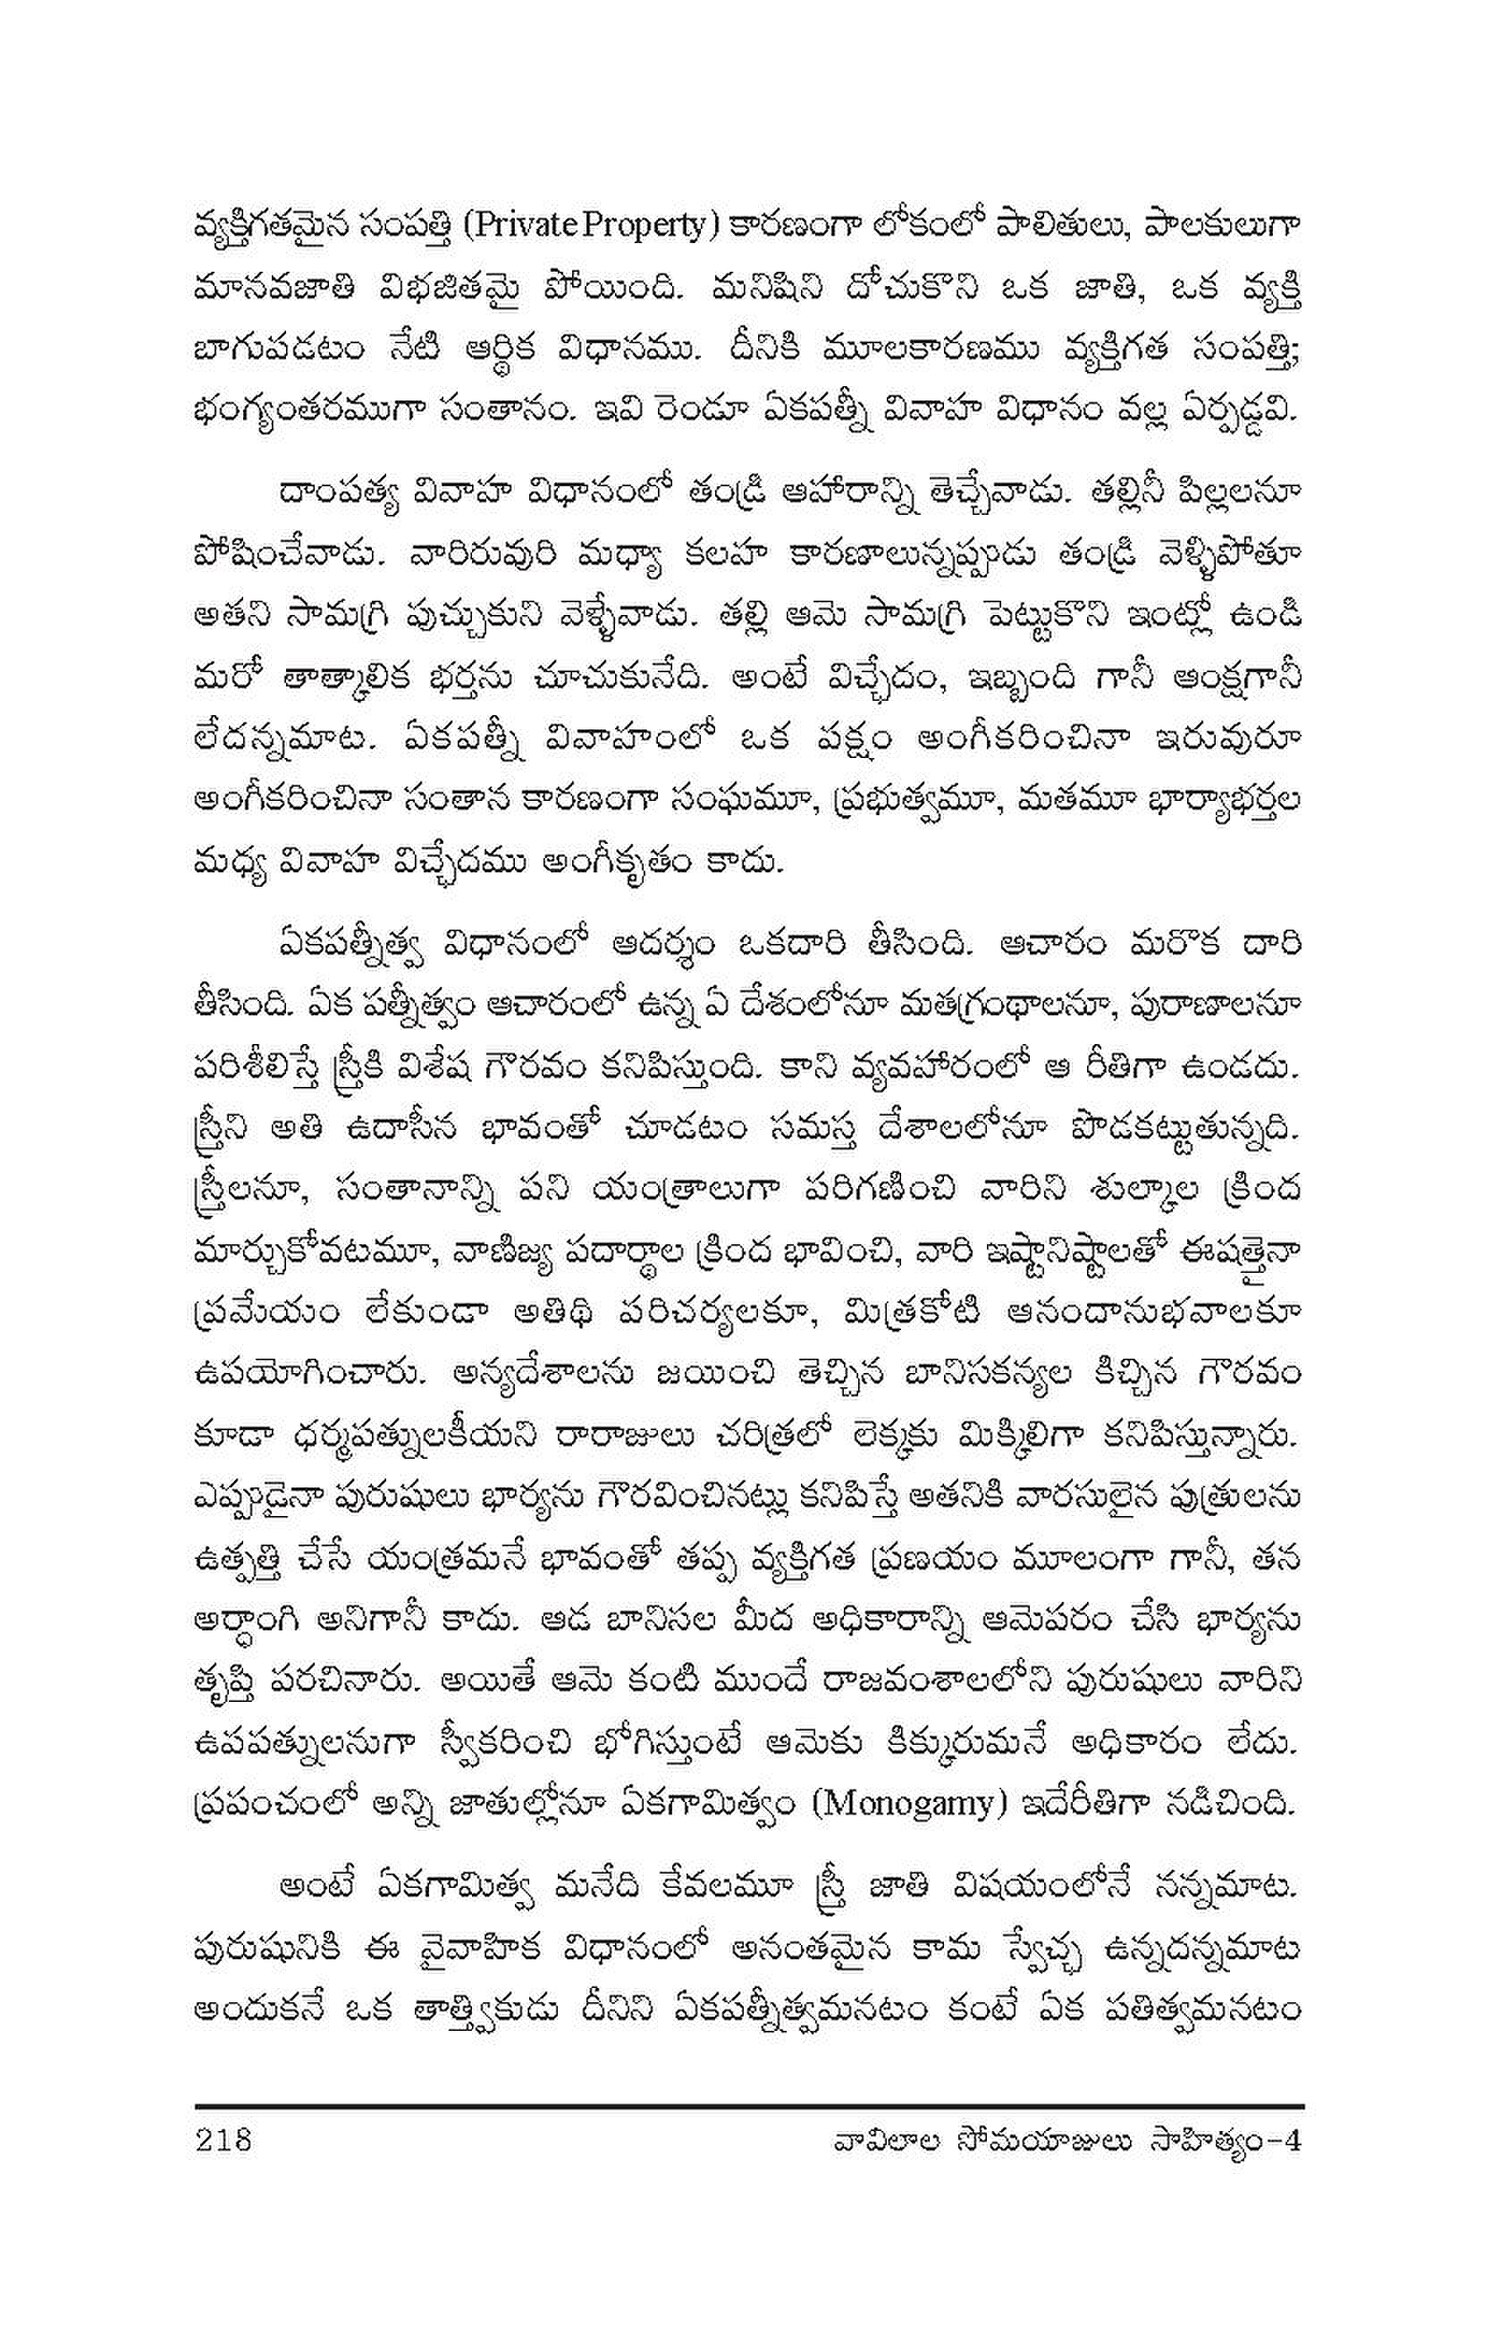వ్యక్తిగతమైన సంపత్తి (Private Property) కారణంగా లోకంలో పాలితులు, పాలకులుగా
మానవజాతి విభజితమై పోయింది. మనిషిని దోచుకొని ఒక జాతి, ఒక వ్యక్తి
బాగుపడటం నేటి ఆర్థిక విధానము. దీనికి మూలకారణము వ్యక్తిగత సంపత్తి;
భంగ్యంతరముగా సంతానం. ఇవి రెండూ ఏకపత్నీ వివాహ విధానం వల్ల ఏర్పడ్డవి.

దాంపత్య వివాహ విధానంలో తండ్రి ఆహారాన్ని తెచ్చేవాడు. తల్లినీ పిల్లలనూ
పోషించేవాడు. వారిరువురి మధ్యా కలహ కారణాలున్నప్పుడు తండ్రి వెళ్ళిపోతూ
అతని సామగ్రి పుచ్చుకుని వెళ్ళేవాడు. తల్లి ఆమె సామగ్రి పెట్టుకొని ఇంట్లో ఉండి
మరో తాత్కాలిక భర్తను చూచుకునేది. అంటే విచ్ఛేదం, ఇబ్బంది గానీ ఆంక్షగానీ
లేదన్నమాట. ఏకపత్నీ వివాహంలో ఒక పక్షం అంగీకరించినా ఇరువురూ
అంగీకరించినా సంతాన కారణంగా సంఘమూ, ప్రభుత్వమూ, మతమూ భార్యాభర్తల
మధ్య వివాహ విచ్ఛేదము అంగీకృతం కాదు.

ఏకపత్నీత్వ విధానంలో ఆదర్శం ఒకదారి తీసింది. ఆచారం మరొక దారి
తీసింది. ఏక పత్నీత్వం ఆచారంలో ఉన్న ఏ దేశంలోనూ మతగ్రంథాలనూ, పురాణాలనూ
పరిశీలిస్తే స్త్రీకి విశేష గౌరవం కనిపిస్తుంది. కాని వ్యవహారంలో ఆ రీతిగా ఉండదు.
స్త్రీని అతి ఉదాసీన భావంతో చూడటం సమస్త దేశాలలోనూ పొడకట్టుతున్నది.
స్త్రీలనూ, సంతానాన్ని పని యంత్రాలుగా పరిగణించి వారిని శుల్కాల క్రింద
మార్చుకోవటమూ, వాణిజ్య పదార్థాల క్రింద భావించి, వారి ఇష్టానిష్టాలతో ఈషత్తెనా
ప్రమేయం లేకుండా అతిథి పరిచర్యలకూ, మిత్రకోటి ఆనందానుభవాలకూ
ఉపయోగించారు. అన్యదేశాలను జయించి తెచ్చిన బానిసకన్యల కిచ్చిన గౌరవం
కూడా ధర్మపత్నులకీయని రారాజులు చరిత్రలో లెక్కకు మిక్కిలిగా కనిపిస్తున్నారు.
ఎప్పుడైనా పురుషులు భార్యను గౌరవించినట్లు కనిపిస్తే అతనికి వారసులైన పుత్రులను
ఉత్పత్తి చేసే యంత్రమనే భావంతో తప్ప వ్యక్తిగత ప్రణయం మూలంగా గానీ, తన
అర్ధాంగి అనిగానీ కాదు. ఆడ బానిసల మీద అధికారాన్ని ఆమెపరం చేసి భార్యను
తృప్తి పరచినారు. అయితే ఆమె కంటి ముందే రాజవంశాలలోని పురుషులు వారిని
ఉపపత్నులనుగా స్వీకరించి భోగిస్తుంటే ఆమెకు కిక్కురుమనే అధికారం లేదు.
ప్రపంచంలో అన్ని జాతుల్లోనూ ఏకగామిత్వం (Monogamy) ఇదేరీతిగా నడిచింది.

అంటే ఏకగామిత్వ మనేది కేవలము స్త్రీ జాతి విషయంలోనే నన్నమాట.
పురుషునికి ఈ వైవాహిక విధానంలో అనంతమైన కామ స్వేచ్ఛ ఉన్నదన్నమాట
అందుకనే ఒక తాత్త్వికుడు దీనిని ఏకపత్నీత్వమనటం కంటే ఏక పతిత్వమనటం